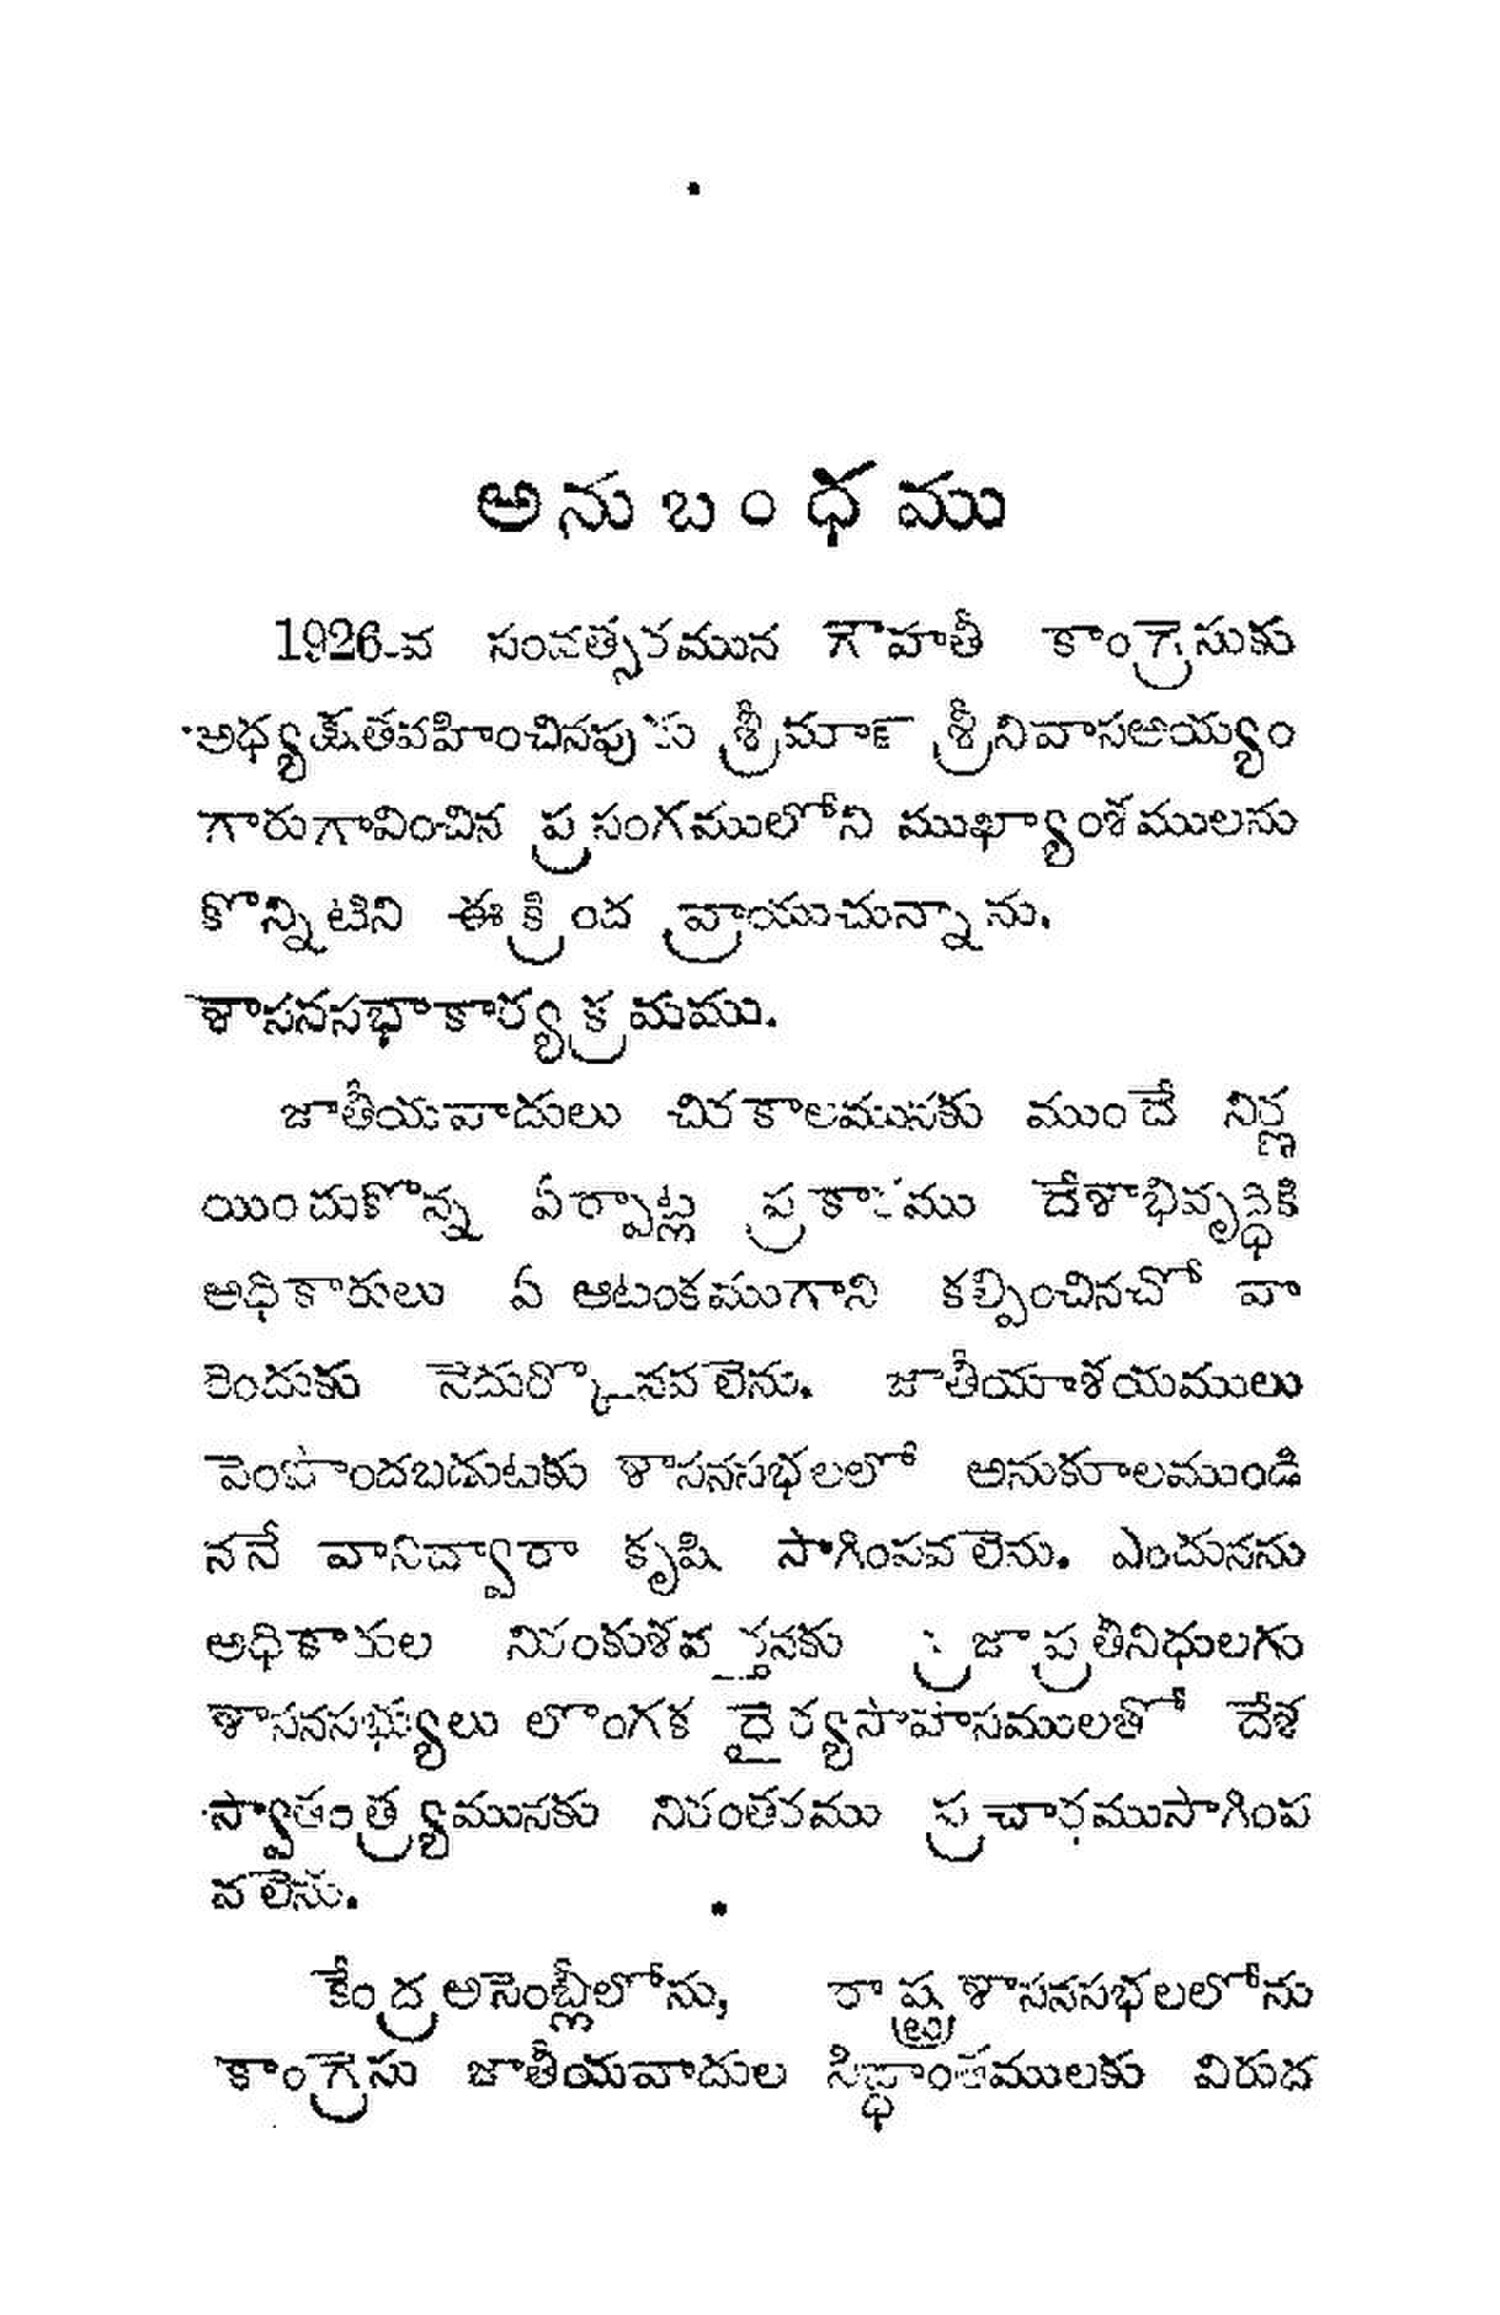అనుబంధము 

1926 వ సంవత్సరమున గౌహతీ కాంగ్రెసుకు అధ్యక్షతవహించినపుడు శ్రీమా౯ శ్రీనివాసఆయ్యంగారుగావించిన ప్రసంగములోని ముఖ్యాంశములను కొన్నిటిని ఈ క్రింద వ్రాయుచున్నాను. 

శాసనసభాకార్యక్రమము. 

జాతీయవాదులు చిరకాలమునకు ముందే నీర్ణయించుకొన్న ఏర్పాట్ల ప్రకారము దేశాభివృద్దికి అధికారులు ఏ ఆటంకముగాని కల్పించినచో వా రెందుకు నెదుర్కొనవలెను. జాతీయాశయములు పెంపొందబడుటకు శాసనసభలలో అనుకూలముండిననే వానిద్వారా కృషి సాగింపవలెను. ఎందుసను అధికారుల నిరంకుశవర్తనకు ప్రజాప్రతినిధులగు శాసనసభ్యులు లొంగక ధైర్యసాహసములతో దేశ స్వాతంత్ర్యమునకు నిరంతరము ప్రచారముసాగింపవలెను.

కేంద్రఅసెంబ్లీలోను, రాష్ట్రశాసనసభలలోను కాంగ్రెసు జాతీయవాదుల సిద్ధాంతములకు విరుద